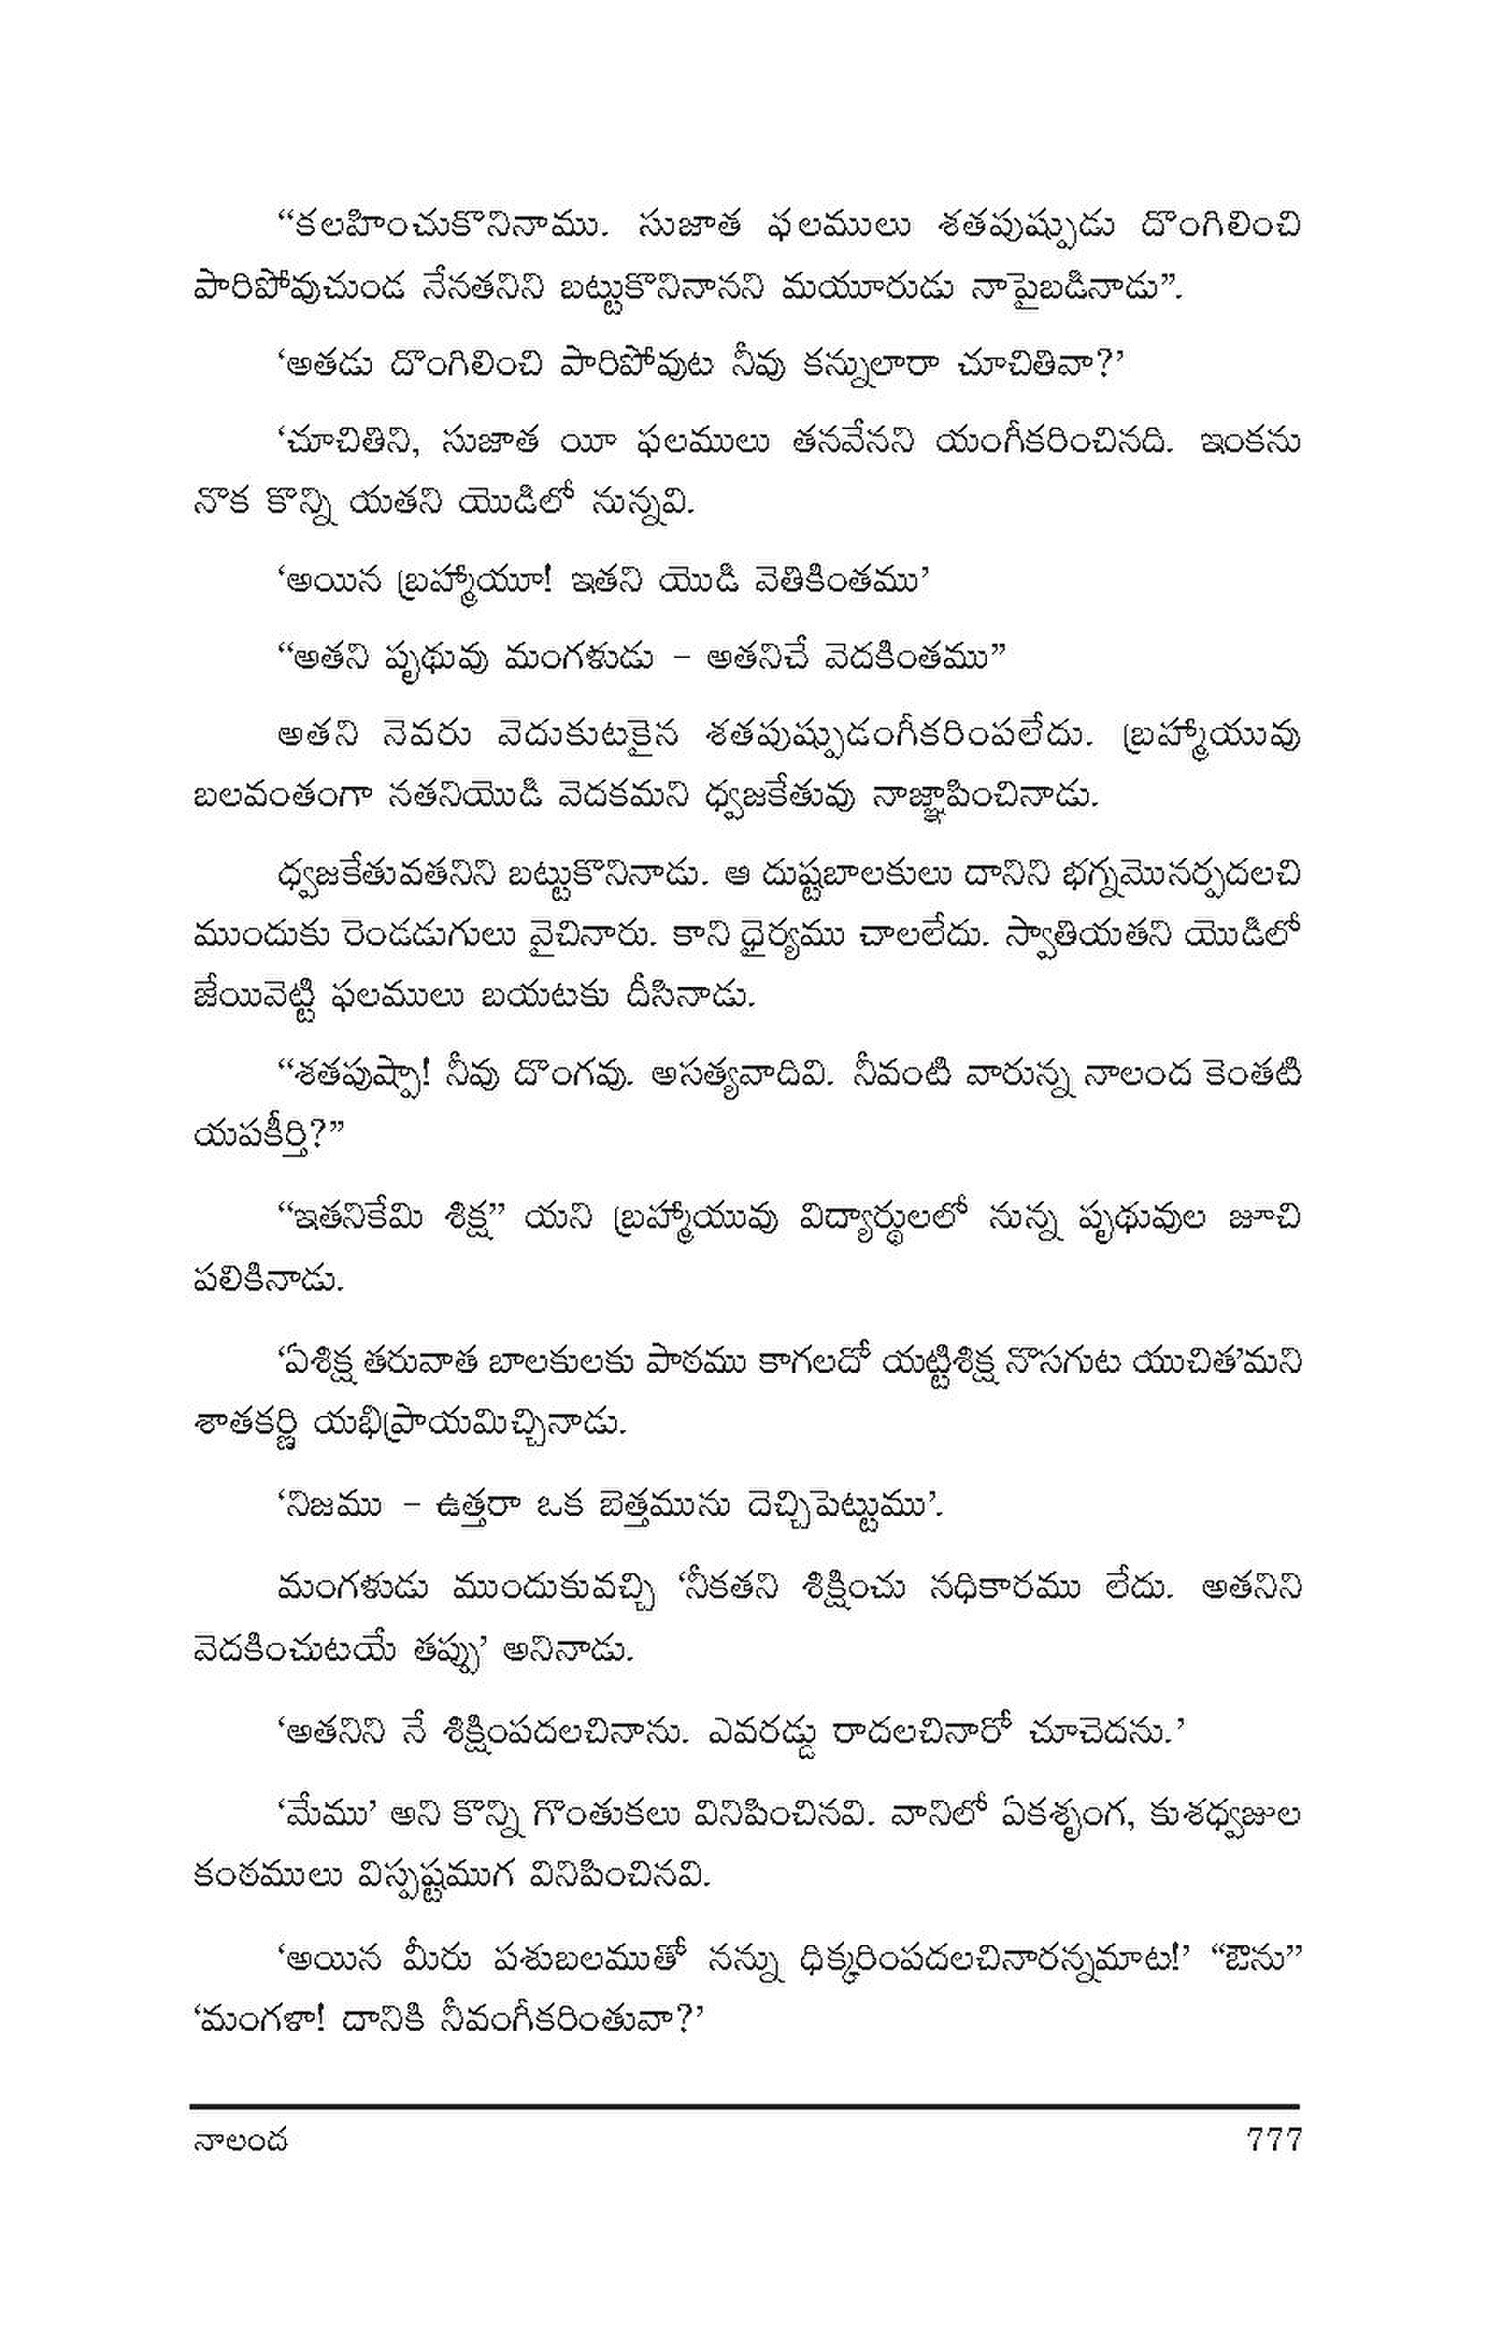"కలహించుకొనినాము. సుజాత ఫలములు శతపుష్పుడు దొంగిలించి పారిపోవుచుండ నేనతనిని బట్టుకొనినానని మయూరుడు నా పైబడినాడు”.

'అతడు దొంగిలించి పారిపోవుట నీవు కన్నులారా చూచితివా?'

'చూచితిని, సుజాత యీ ఫలములు తనవేనని యంగీకరించినది. ఇంకను నొక కొన్ని యతని యొడిలో నున్నవి.

'అయిన బ్రహ్మాయూ! ఇతని యొడి వెతికింతము'

"అతని పృథువు మంగళుడు అతనిచే వెదకింతము”

అతని నెవరు వెదుకుటకైన శతపుష్పుడంగీకరింపలేదు. బ్రహ్మాయువు బలవంతంగా నతనియెడి వెదకమని ధ్వజకేతువు నాజ్ఞాపించినాడు.

ధ్వజకేతువతనిని బట్టుకొనినాడు. ఆ దుష్టబాలకులు దానిని భగ్నమొనర్పదలచి ముందుకు రెండడుగులు వైచినారు. కాని ధైర్యము చాలలేదు. స్వాతీయతని యొడిలో జేయివెట్టి ఫలములు బయటకు దీసినాడు.

"శతపుష్పా! నీవు దొంగవు. అసత్యవాదివి. నీవంటి వారున్న నాలంద కెంతటి యపకీర్తి?”

"ఇతనికేమి శిక్ష” యని బ్రహ్మాయువు విద్యార్థులలో నున్న పృథువుల జూచి పలికినాడు.

'ఏశిక్ష తరువాత బాలకులకు పాఠము కాగలదో యట్టిశిక్ష నొసగుట యుచిత’మని శాతకర్ణి యభిప్రాయమిచ్చినాడు.

'నిజము - ఉత్తరా ఒక బెత్తమును దెచ్చిపెట్టుము'.

మంగళుడు ముందుకువచ్చి 'నీకతని శిక్షించు నధికారము లేదు. అతనిని వెదకించుటయే తప్పు' అనినాడు.

'అతనిని నే శిక్షింపదలచినాను. ఎవరడ్డు రాదలచినారో చూచెదను.'

'మేము' అని కొన్ని గొంతుకలు వినిపించినవి. వానిలో ఏకశృంగ, కుశధ్వజుల కంఠములు విస్పష్టముగ వినిపించినవి.

'అయిన మీరు పశుబలముతో నన్ను ధిక్కరింపదలచినారన్నమాట!' “ఔను”
'మంగళా! దానికి నీవంగీకరింతువా?'